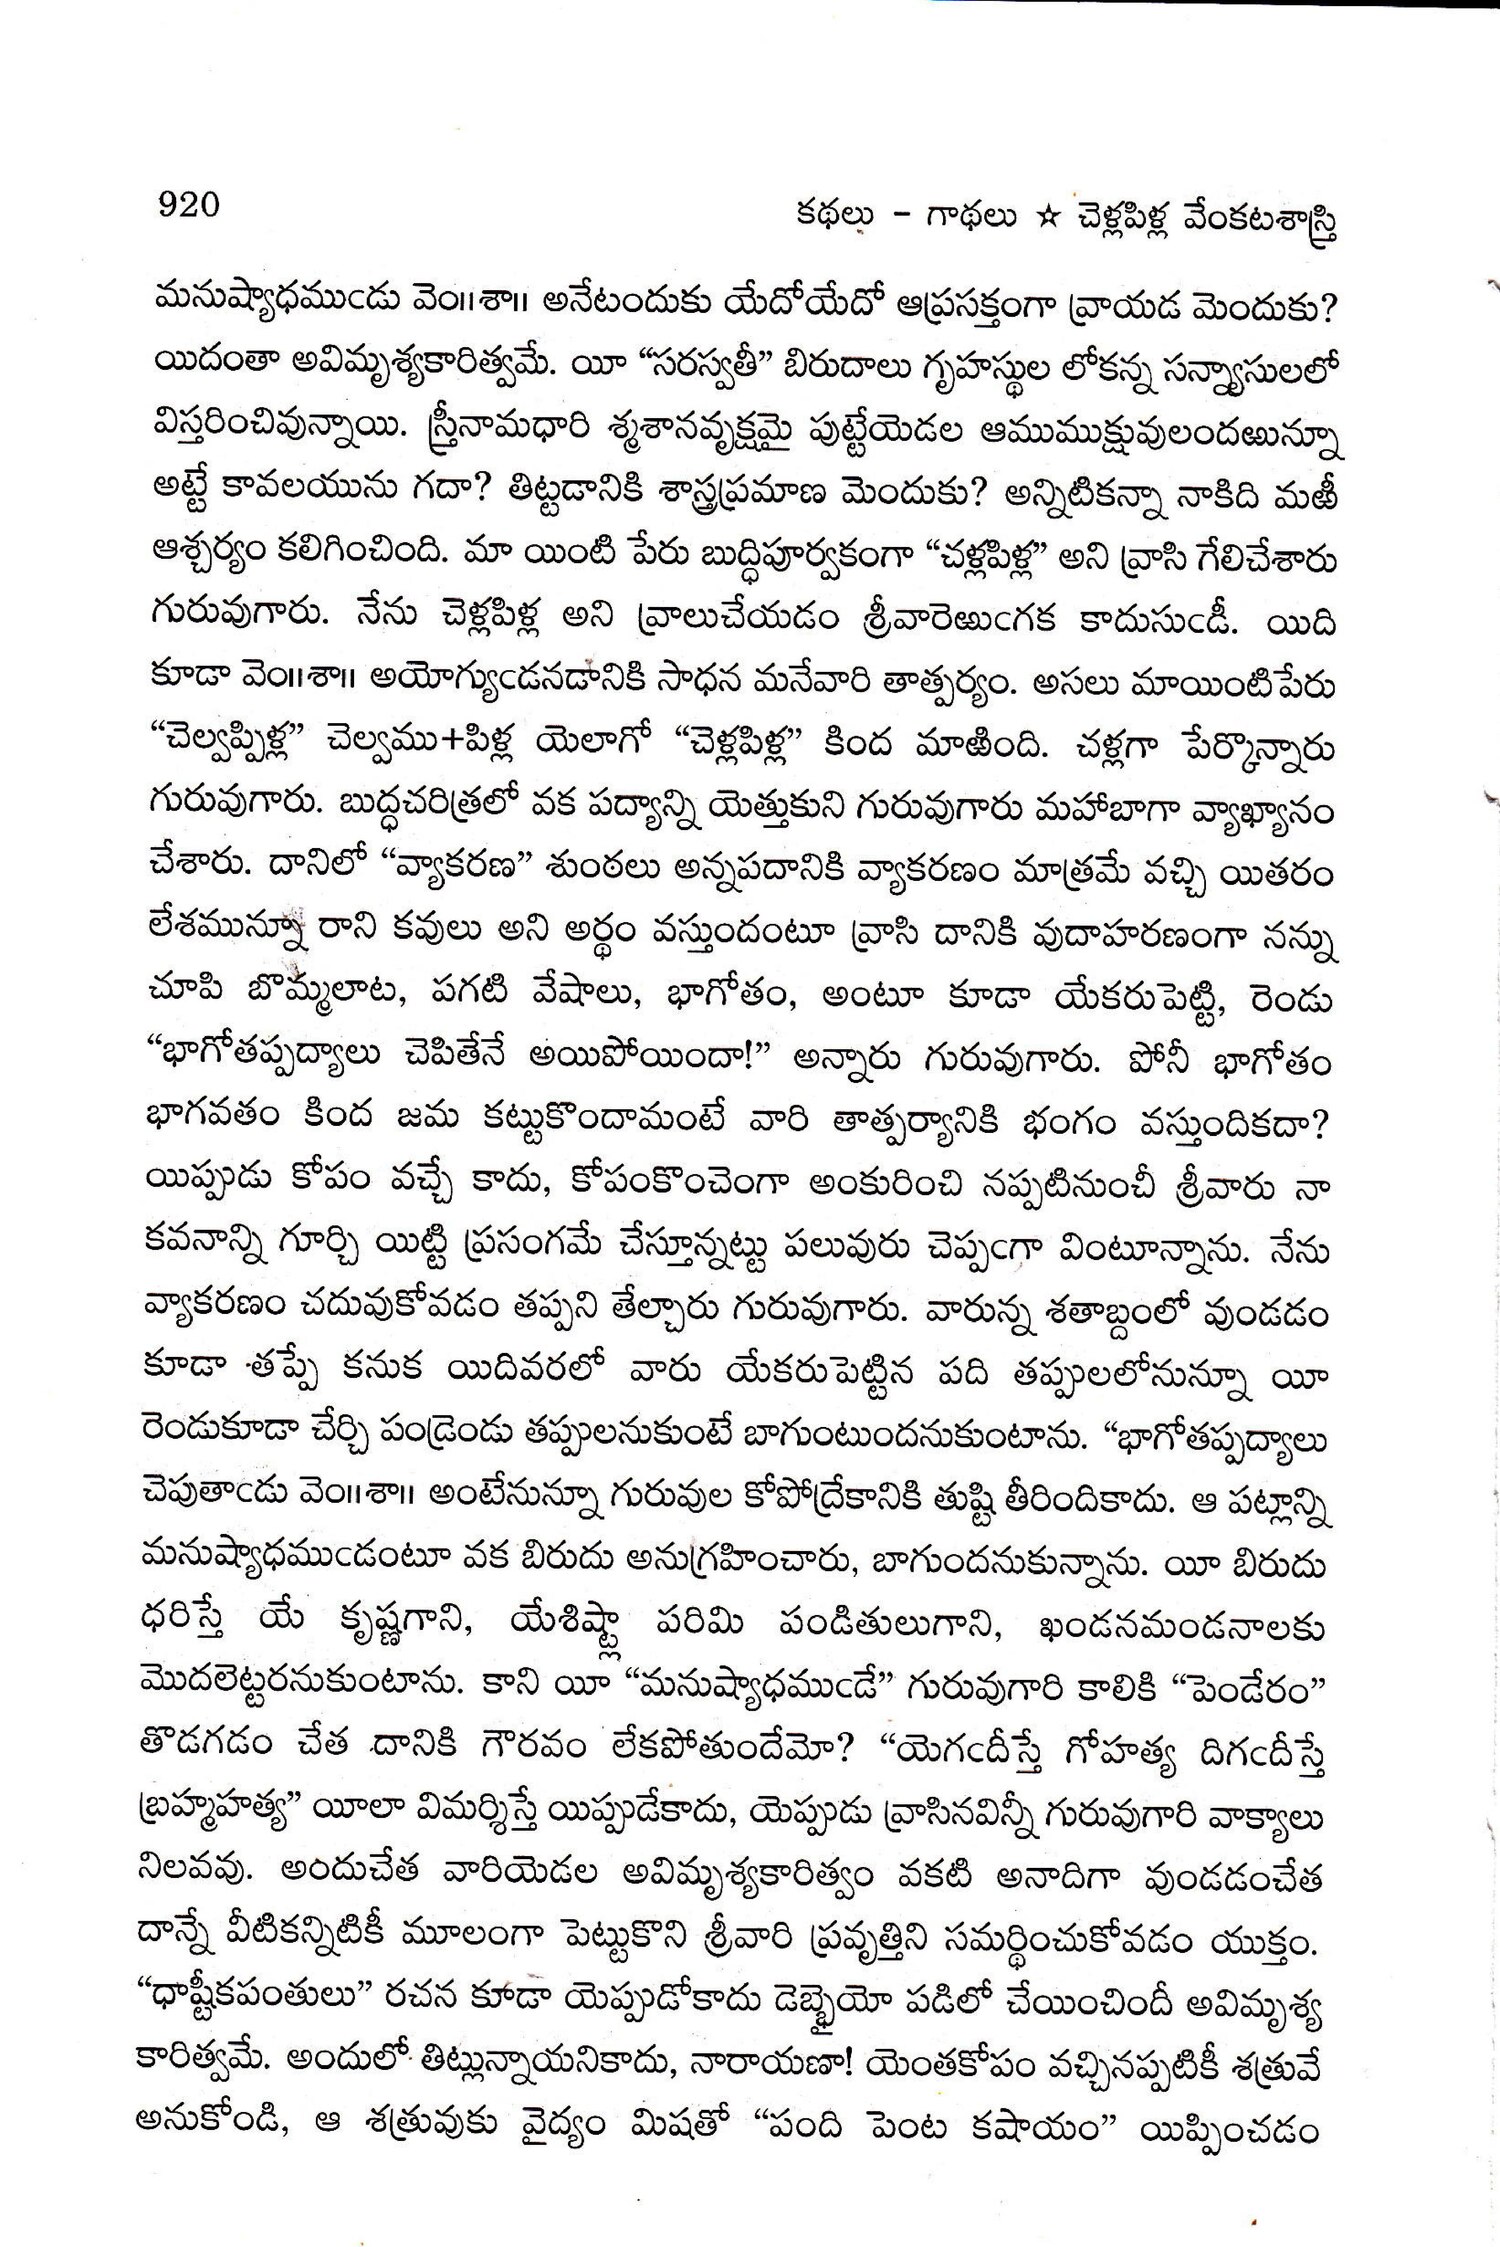మనుష్యాధముఁడు వెం||శా|| అనేటందుకు యేదోయేదో ఆప్రసక్తంగా వ్రాయడ మెందుకు? యిదంతా అవిమృశ్యకారిత్వమే. యీ "సరస్వతీ" బిరుదాలు గృహస్థుల లోకన్న సన్యాసులలో విస్తరించివున్నాయి. స్త్రీనామధారి శ్మశానవృక్షమై పుట్టేయెడల ఆముముక్షువులందఱున్నూ అట్టే కావలయును గదా? తిట్టడానికి శాస్త్రప్రమాణ మెందుకు? అన్నిటికన్నా నాకిది మఱీ ఆశ్చర్యం కలిగించింది. మా యింటి పేరు బుద్ధిపూర్వకంగా "చళ్లపిళ్ల" అని వ్రాసి గేలిచేశారు గురువుగారు. నేను చెళ్లపిళ్ల అని వ్రాలుచేయడం శ్రీవారెఱుఁగక కాదుసుఁడీ. యిది కూడా వెం||శా|| అయోగ్యుఁడనడానికి సాధన మనేవారి తాత్పర్యం. అసలు మాయింటిపేరు “చెల్వప్పిళ్ల" చెల్వము+పిళ్ల యెలాగో “చెళ్లపిళ్ల" క్రింద మాఱింది. చళ్లగా పేర్కొన్నారు గురువుగారు. బుద్ధచరిత్రలో వక పద్యాన్ని యెత్తుకుని గురువుగారు మహాబాగా వ్యాఖ్యానం చేశారు. దానిలో “వ్యాకరణ” శుంఠలు అన్నపదానికి వ్యాకరణం మాత్రమే వచ్చి యితరం లేశమున్నూరాని కవులు అని అర్థం వస్తుందంటూ వ్రాసి దానికి వుదాహరణంగా నన్ను చూపి బొమ్మలాట, పగటి వేషాలు, భాగోతం, అంటూ కూడా యేకరు పెట్టి, రెండు “భాగోతప్పద్యాలు చెపితేనే అయిపోయిందా!" అన్నారు గురువుగారు. పోనీ భాగోతం భాగవతం కింద జమ కట్టుకొందామంటే వారి తాత్పర్యానికి భంగం వస్తుందికదా? యిప్పుడు కోపం వచ్చే కాదు, కోపంకొంచెంగా అంకురించి నప్పటినుంచీ శ్రీవారు నా కవనాన్ని గూర్చి యిట్టి ప్రసంగమే చేస్తూన్నట్టు పలువురు చెప్పఁగా వింటూన్నాను. నేను వ్యాకరణం చదువుకోవడం తప్పని తేల్చారు గురువుగారు. వారున్న శతాబ్దంలో వుండడం కూడా తప్పే కనుక యిదివరలో వారు యేకరుపెట్టిన పది తప్పులలోనున్నూ యీ రెండుకూడా చేర్చి పండ్రెండు తప్పులనుకుంటే బాగుంటుందనుకుంటాను. “భాగోతప్పద్యాలు చెపుతాఁడు వెంllశా|| అంటేనున్నూ గురువుల కోపోద్రేకానికి తుష్టి తీరిందికాదు. ఆ పట్లాన్ని మనుష్యాధముఁడంటూ వక బిరుదు అనుగ్రహించారు, బాగుందనుకున్నాను. యీ బిరుదు ధరిస్తే యే కృష్ణగాని, యేశిష్టా పరిమి పండితులుగాని, ఖండనమండనాలకు మొదలెట్టరనుకుంటాను. కాని యీ"మనుష్యాధముఁడే" గురువుగారి కాలికి "పెండేరం" తొడగడం చేత దానికి గౌరవం లేకపోతుందేమో? “యెగఁదీస్తే గోహత్య దిగఁదీస్తే బ్రహ్మహత్య" యీలా విమర్శిస్తే యిప్పుడేకాదు, యెప్పుడు వ్రాసినవిన్నీ గురువుగారి వాక్యాలు నిలవవు. అందుచేత వారియెడల అవిమృశ్యకారిత్వం వకటి అనాదిగా వుండడంచేత దాన్నే వీటికన్నిటికీ మూలంగా పెట్టుకొని శ్రీవారి ప్రవృత్తిని సమర్థించుకోవడం యుక్తం. “ధాష్టీకపంతులు" రచన కూడా యెప్పుడోకాదు డెబ్భైయో పడిలో చేయించిందీ అవిమృశ్య కారిత్వమే. అందులో తిట్లున్నాయనికాదు, నారాయణా! యెంతకోపం వచ్చినప్పటికీ శత్రువే అనుకోండి, ఆ శత్రువుకు వైద్యం మిషతో “పంది పెంట కషాయం” యిప్పించడం